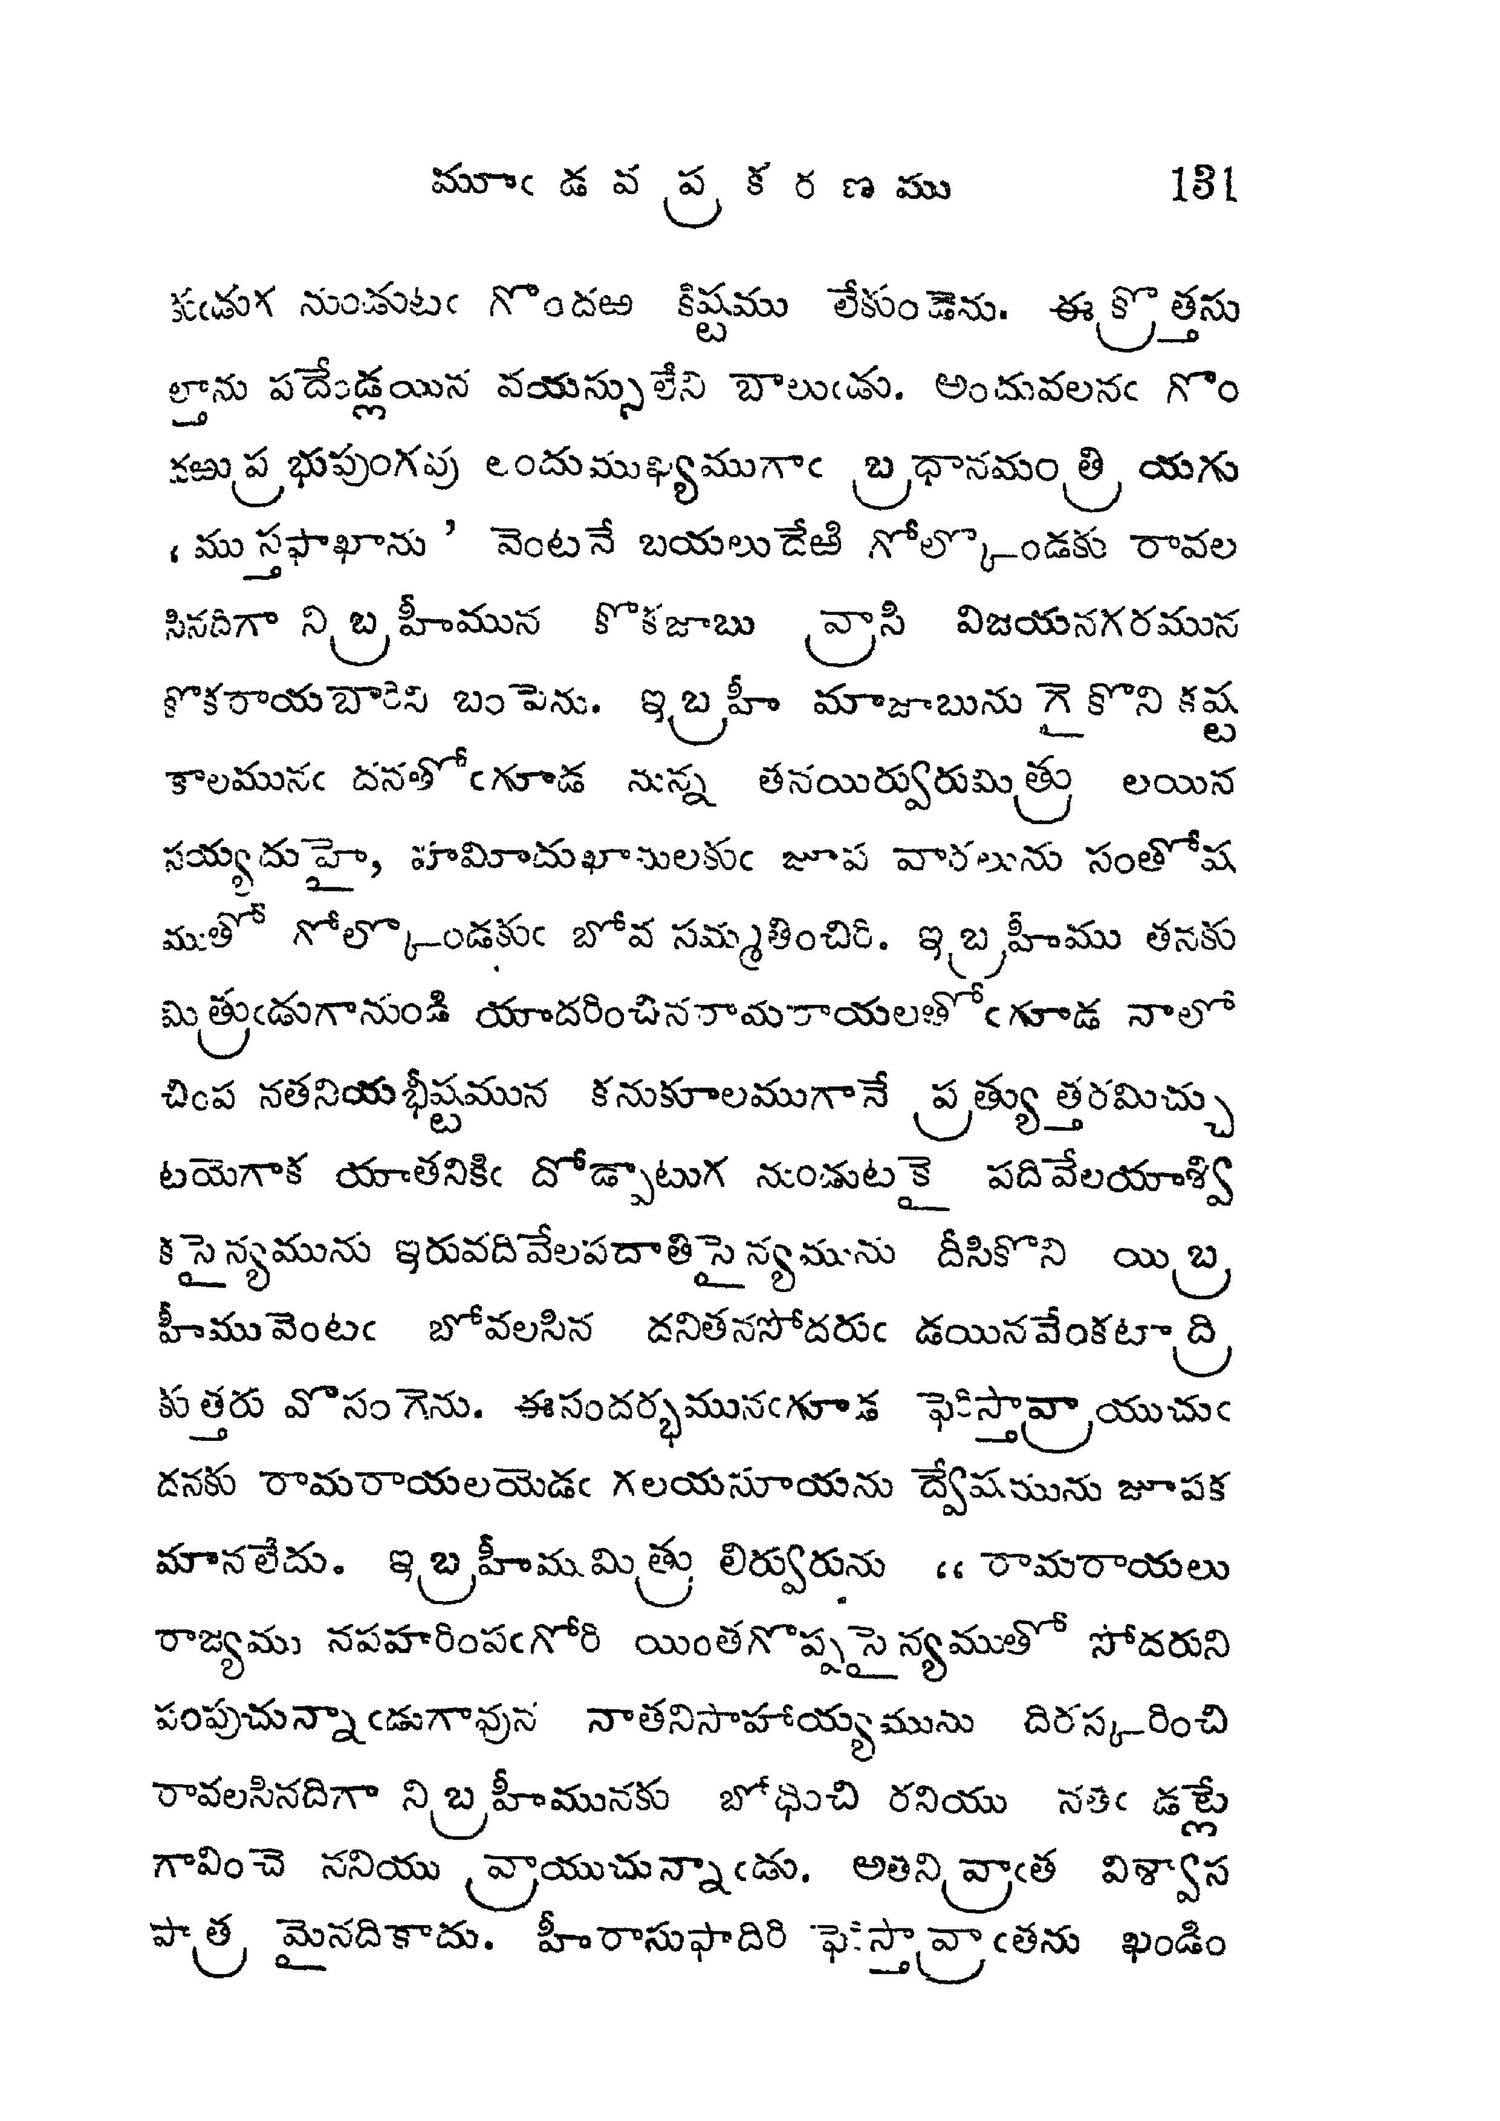కుడుగ నుండుట గొందఱ కిష్టము లేకుండెను. ఈక్రొత్తసుల్తాను పదేండ్లయిన వయస్సులేని బాలుడు. అందువలన గొందఱుప్రభుపుంగవు లందుముఖ్యముగా బ్రధానమంత్రి యగు 'ముస్తఫాఖాను' వెంటనే బయలుదేఱి గోల్కొండకు రావలసినదిగా నిబ్రహీమున కొకజాబు వ్రాసి విజయనగరమున కొకరాయబారిని బంపెను. ఇబ్రహీ మాజాబును గైకొని కష్టకాలమున దనతోగూడ నున్న తనయిర్వురుమిత్రు లయిన సయ్యదుహై, హమీదుఖానులకు జూప వారలును సంతోషముతో గోల్కొండకు బోవ సమ్మతించిరి. ఇబ్రహీము తనకు మిత్రుడుగానుండి యాదరించిన రామరాయలతో గూడ నాలోచింప నతనియభీష్టమున కనుకూలముగానే ప్రత్యుత్తరమిచ్చుటయెగాక యాతనికి దోడ్పాటుగ నుండుటకై పదివేలయాశ్విక సైన్యమును ఇరువదివేలపదాతిసైన్యమును దీసికొని యిబ్రహీమువెంట బోవలసిన దనితనసోదరు డయినవేంకటాద్రి కుత్తరు వొసంగెను. ఈసందర్భమునగూడ ఫెరిస్తావ్రాయుచు దనకు రామరాయలయెడ గలయసూయను ద్వేషమును జూపక మానలేదు. ఇబ్రహీము మిత్రు లిర్వురును "రామరాయలు రాజ్యము నపహరింపగోరి యింతగొప్పసైన్యముతో సోదరుని పంపుచున్నాడుగావున నాతని సాహాయ్యమును దిరస్కరించి రావలసినదిగా నిబ్రహీమునకు బోధించి రనియు నత డట్లే గావించె ననియు వ్రాయుచున్నాడు. అతనివ్రాత విశ్వాసపాత్ర మైనదికాదు. హీరాసుఫాదిరి ఫెరిస్తావ్రాతను ఖండిం